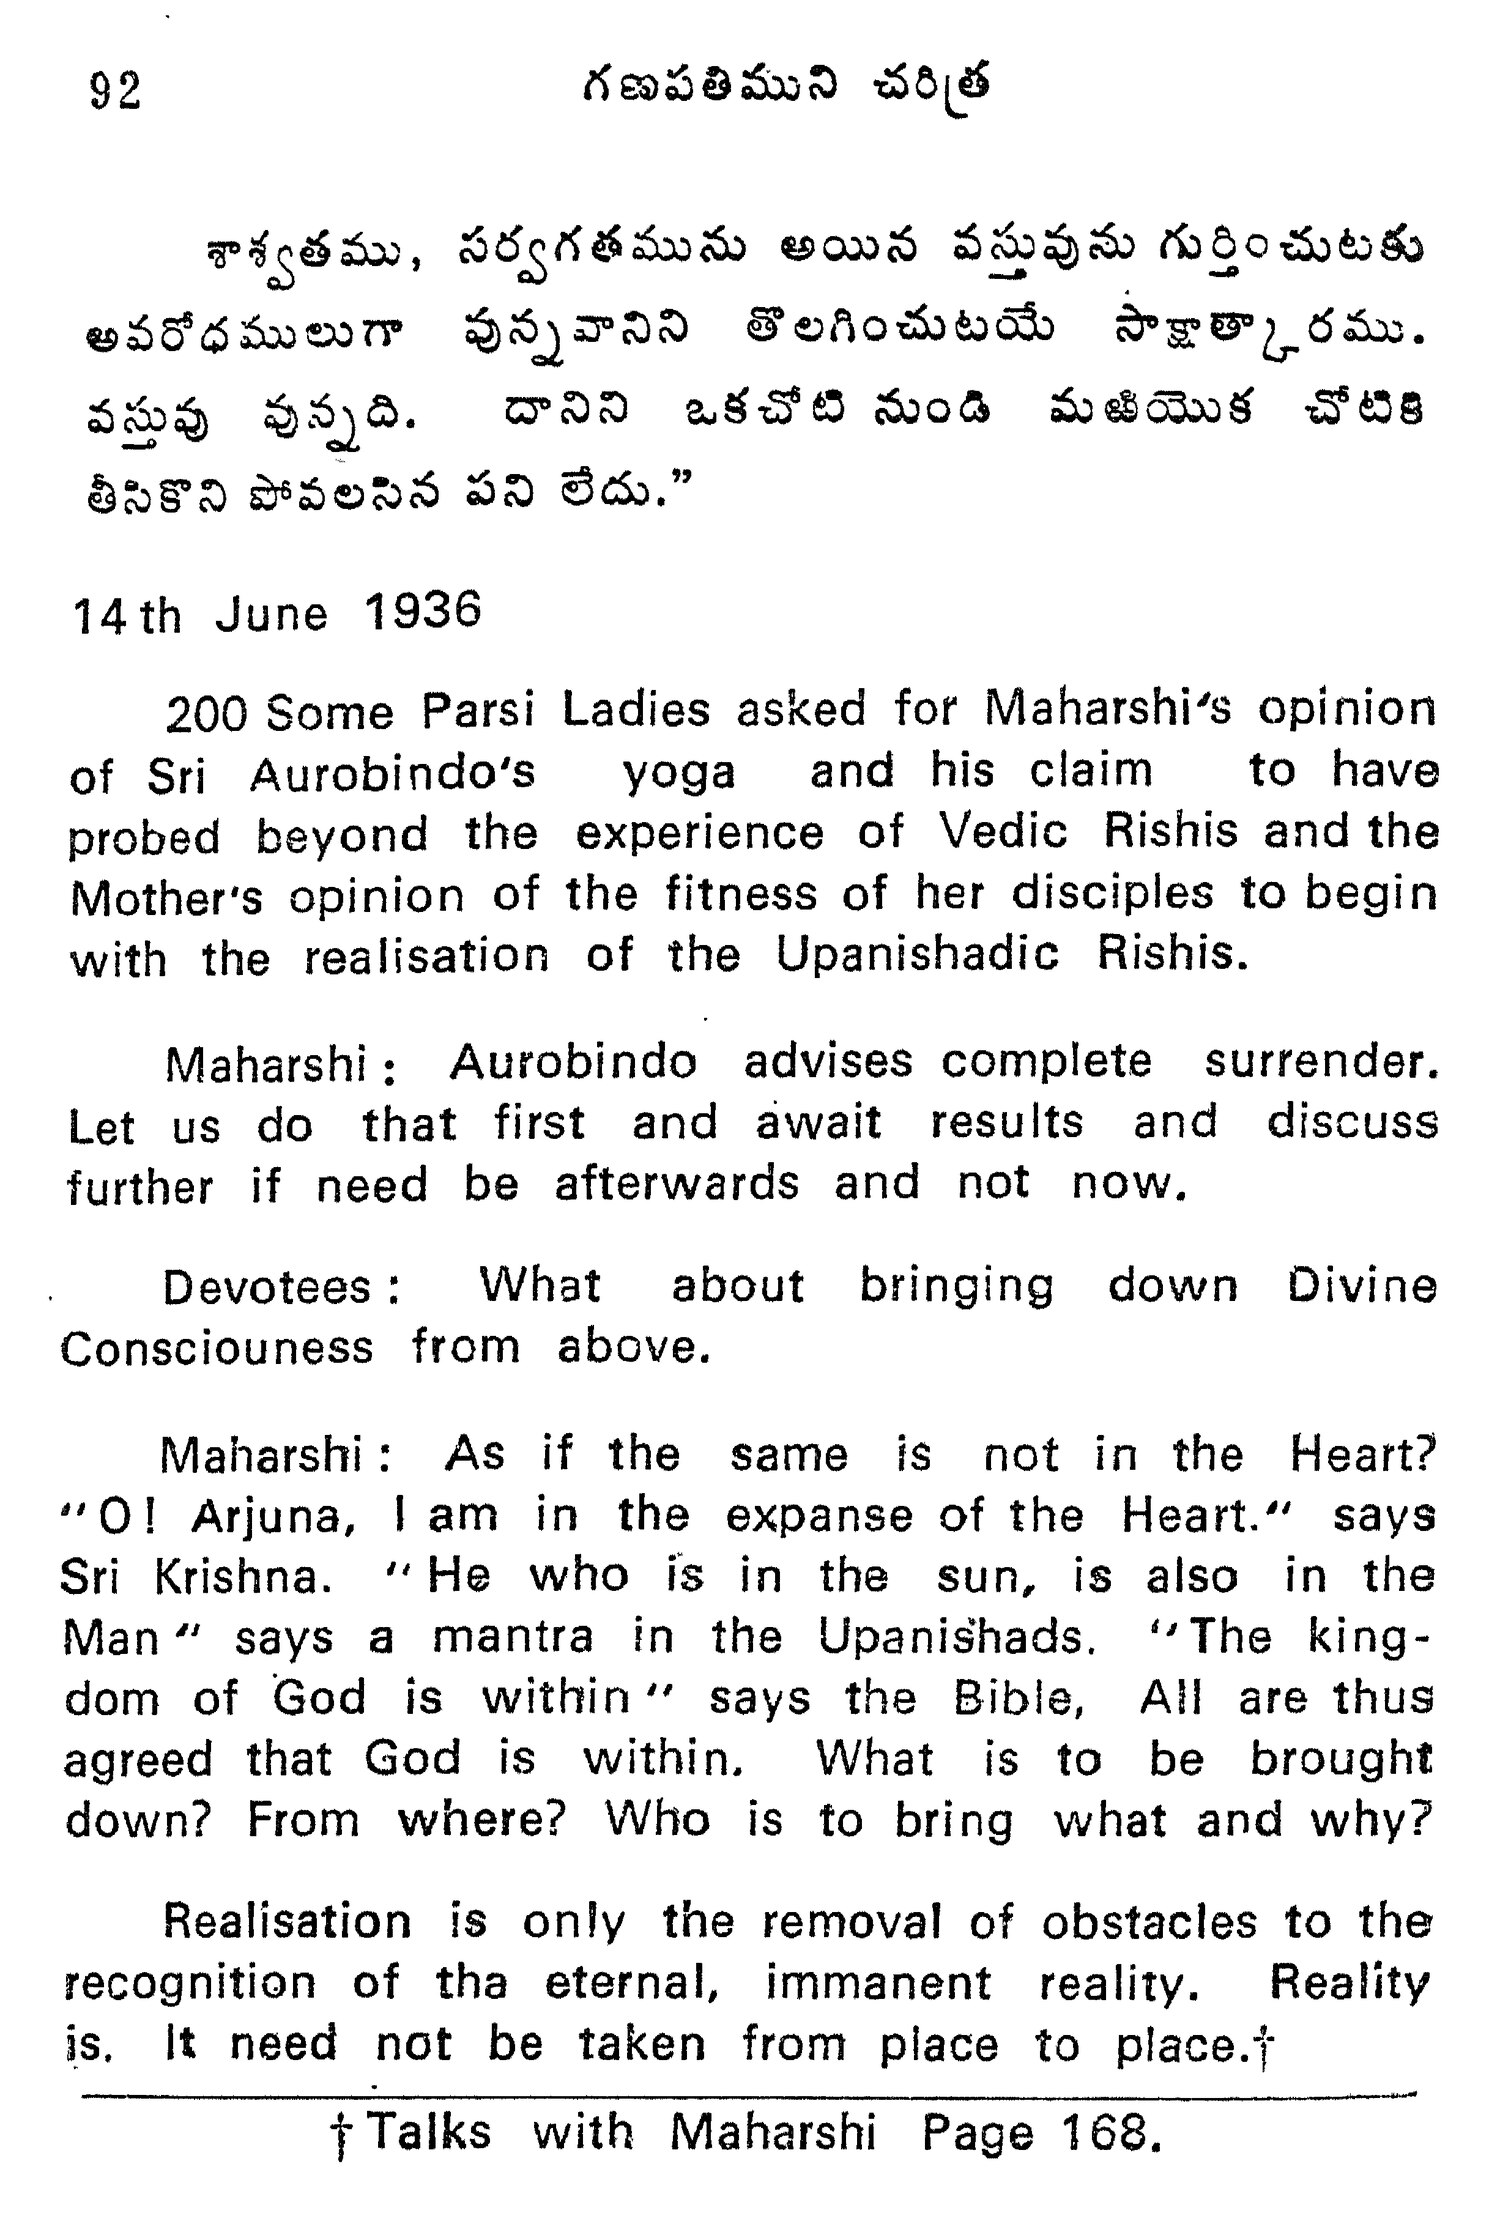శాశ్వతము, సర్వగతమును అయిన వస్తువును గుర్తించుటకు అవరోధములుగా వున్నవానిని తొలగించుటయే సాక్షాత్కారము. వస్తువు వున్నది. దానిని ఒకచోటి నుండి మఱియొక చోటికి తీసికొని పోవలసిన పని లేదు."

14 th June 1936

200 Some Parsi Ladies asked for Maharshi's opinion of Sri Aurobindo's Yoga and his claim to have probed beyond the experience of Vedic Rishis and the Mother's opinion of the fitness of her disciples to begin with the realisation of the Upanishadic Rishis.

Maharshi: Aurobindo advises complete surrender. Let us do that first and await results and discuss further if need be afterwards and not now.

Devotees: What about bringing down Divine Consciousness from above.

Maharshi: As if the same is not in the Heart? "O! Arjuna, I am in the expanse of the Heart." says Sri Krishna. "He who is in the sun, is also in the Man" says a mantra in the Upanishads. "The kingdom of God is within" says the Bible, All are thus agreed that God is within, What is to be brought down? From where? Who is to bring what and why?

Realisation is only the removal of obstacles to the recognition of the eternal, immanent reality. Reality is. it need not be taken from place to place.